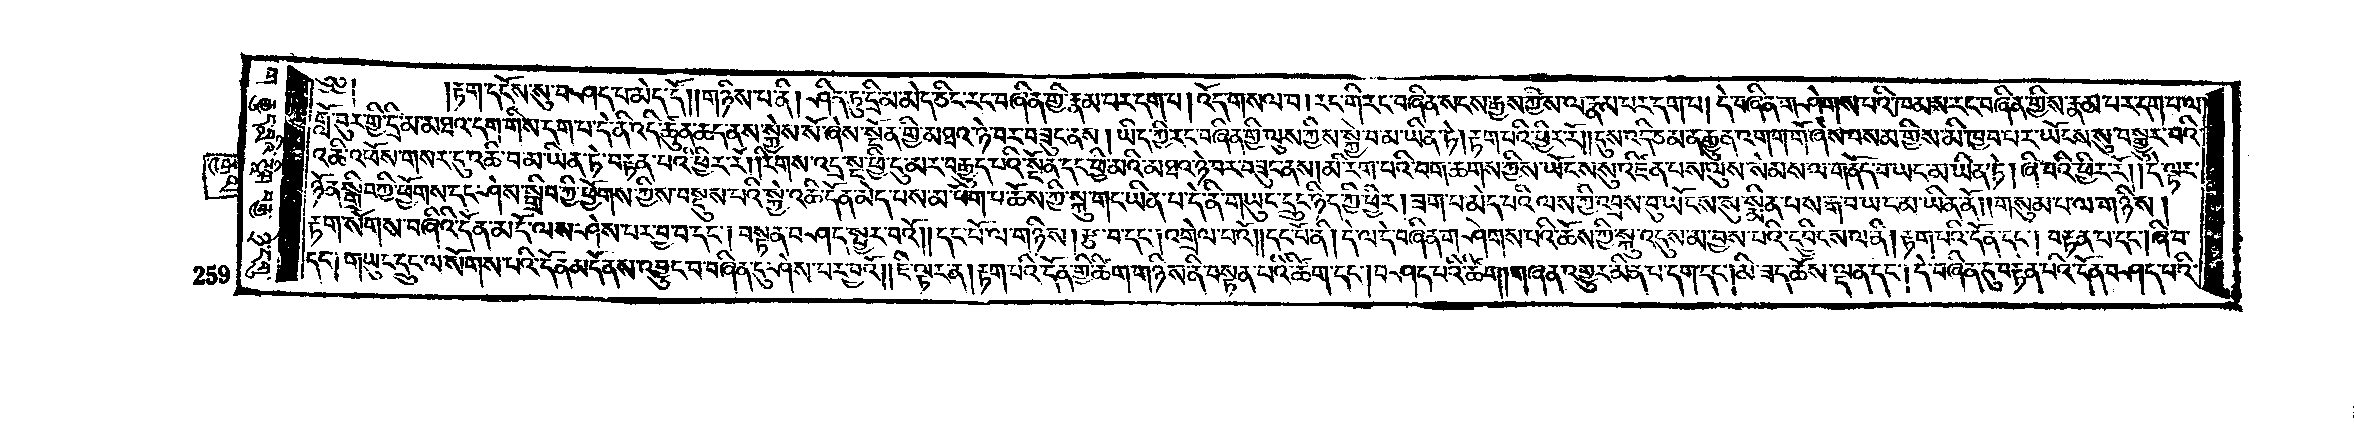༄༅། །རྟག་དངོས་སུ་བཤད་པ་མེད་དོ། །གཉིས་པ་ནི། ཤིན་ཏུ་དྲི་མ་མེད་ཅིང་རང་བཞིན་གྱི་རྣམ་པར་དག་པ། འོད་གསལ་བ། རང་གི་རང་བཞིན་སངས་རྒྱས་ཀྱི་ས་ལ་རྣམ་པར་དག་པ། དེ་བཞིན་གཤེགས་པའི་ཁམས་རང་བཞིན་གྱིས་རྣམ་པར་དག་པ་ལ་
གློ་བུར་གྱི་དྲི་མ་མཐའ་དག་གིས་དག་པ་དེ་ནི་འདི་ཚུན་ཆད་ནས་སྐྱེས་སོ་ཞེས་སྔོན་གྱི་མཐའ་ཉེ་བར་བཟུང་ནས། ཡིད་ཀྱི་རང་བཞིན་གྱི་ལུས་ཀྱིས་སྐྱེ་བ་མ་ཡིན་ཏེ། རྟག་པའི་ཕྱིར་རོ། །དུས་འདི་ཙམ་ན་རྒྱུན་འགག་གོ་ཞེས་བསམ་གྱིས་མི་ཁྱབ་པར་ཡོངས་སུ་བསྒྱུར་བའི་
འཆི་འཕོས་གསར་དུ་འཆི་བ་མ་ཡིན་ཏེ་བརྟན་པའི་ཕྱིར་རོ། །རིགས་འདྲ་སྔ་ཕྱི་དུ་མར་བརྒྱུད་པའི་སྔོན་དང་ཕྱི་མའི་མཐའ་ཉེ་བར་བཟུང་ནས། མ་རིག་པའི་བག་ཆགས་ཀྱིས་ཡོངས་སུ་འཛིན་པས་ལུས་སེམས་ལ་གནོད་པ་ཡང་མ་ཡིན་ཏེ། ཞི་བའི་ཕྱིར་རོ། །དེ་ལྟར་
ཉོན་སྒྲིབ་ཀྱི་ཕྱོགས་དང་ཤེས་སྒྲིབ་ཀྱི་ཕྱོགས་ཀྱིས་བསྡུས་པའི་སྐྱེ་འཆི་དོན་མེད་པས་མ་ཕོག་པ་ཆོས་ཀྱི་སྐུ་གང་ཡིན་པ་དེ་ནི་གཡུང་དྲུང་ཉིད་ཀྱི་ཕྱིར། ཟག་པ་མེད་པའི་ལས་ཀྱི་འབྲས་བུ་ཡོངས་སུ་སྨིན་པས་རྒ་བ་ཡང་མ་ཡིན་ནོ། །གསུམ་པ་ལ་གཉིས།
རྟག་སོགས་བཞིའི་དོན་མདོ་ལས་ཤེས་པར་བྱ་བ་དང་། བསྟན་བཤད་སྦྱར་བའོ། །དང་པོ་ལ་གཉིས། རྩ་བ་དང་། འགྲེལ་པའོ། །དང་པོ་ནི། དེ་ལ་དེ་བཞིན་གཤེགས་པའི་ཆོས་ཀྱི་སྐུ་འདུས་མ་བྱས་པའི་དབྱིངས་ལ་ནི། རྟག་པའི་དོན་དང་། བརྟན་པ་དང་། ཞི་བ་
དང༑ གཡུང་དྲུང་ལ་སོགས་པའི་དོན་མདོ་ནས་འབྱུང་བ་བཞིན་དུ་ཤེས་པར་བྱའོ། །ཇི་ལྟར་ན། རྟག་པའི་དོན་གྱི་ཚིག་གཉིས་ནི་བསྟན་པའི་ཚིག་དང་། བཤད་པའི་ཚིག །གཞན་འགྱུར་མིན་པ་དག་དང་། མི་ཟད་ཆོས་ལྡན་དང་། དེ་བཞིན་དུ་བརྟན་པའི་དོན་བཤད་པའི་